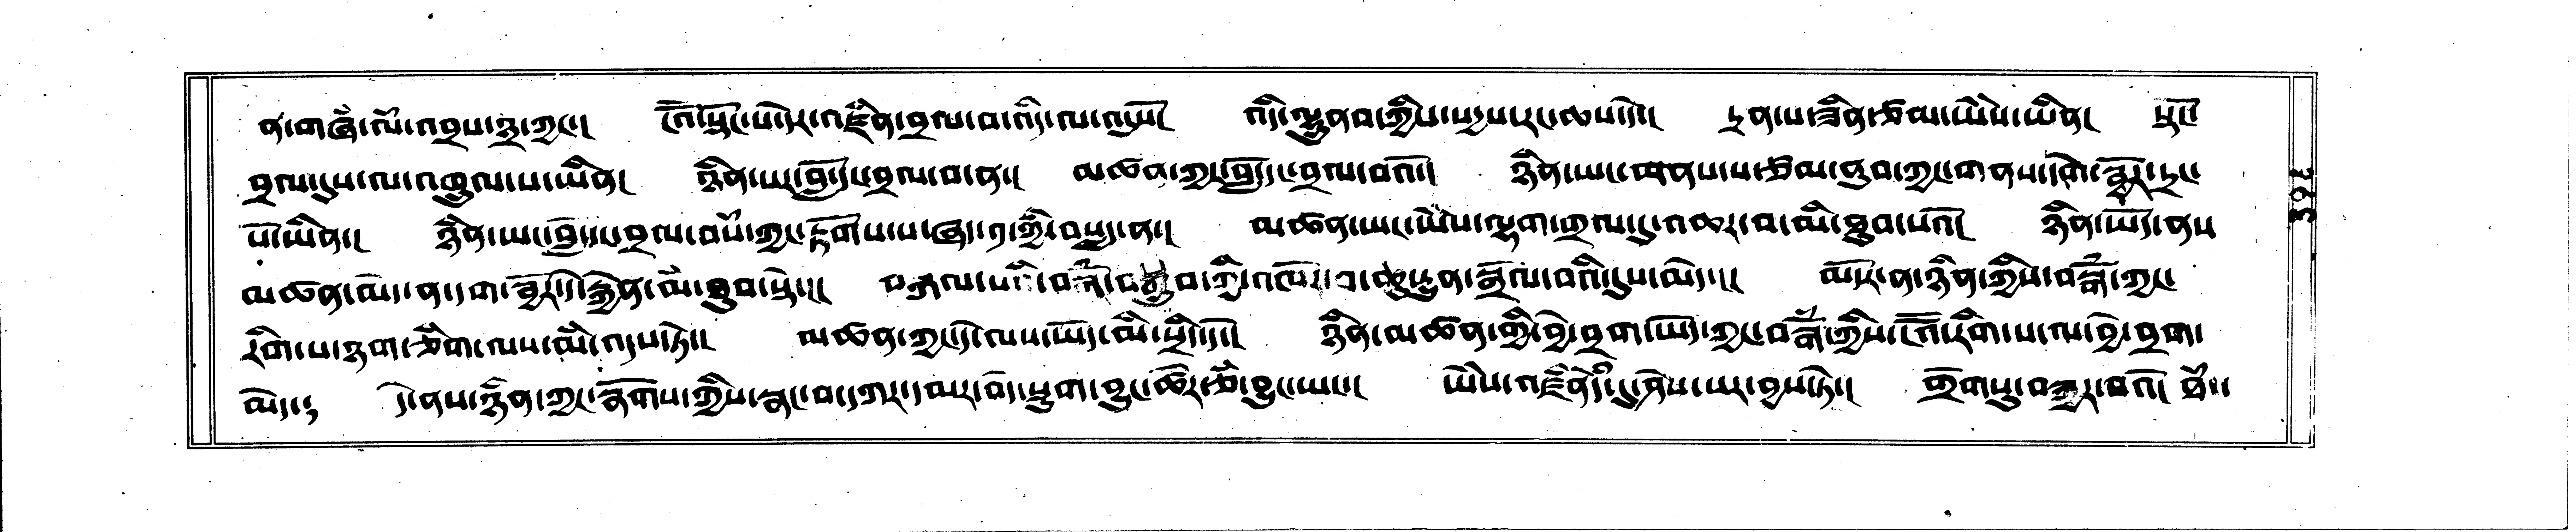ན་གཞི་ལམ་འབྲས་གསུམ་ཀྱང་ ངོའོ་སྟོང་པ་དེར་འཛིན་བྲལ་བ་འདི་ལས་འདུས་སོ། འདི་ལྷུན་གྲུབ་ཀྱིས་སངས་རྒྱས་རང་ཆས་ ཏེ། དྲན་པས་ཟིན་རྩ་ཡེ་ཤེས་ཏེ། སྟོར་
བྲལ་དུས་ལ་འཁྲུལ་པ་ཡིན། ཉིན་པར་བློ་དང་བྲལ་བེན་ན། མཚན་ཀྱང་བློ་དང་བྲལ་བའོ། ཉིན་གནས་པ་ཙམ་ཅིག་ནུབ་ཀྱང་གནས་ནས། དགེ་སྦྱོར་ལ་དྲང་
པོ་ཡིན། ཉིན་བློ་དང་བྲལ་ཏེ་གནས་སོ་བསམ་ཀྱང་རྟོག་པའི་ཞེད་ཅིག་གིས་བསླད་ནས་མཚན་ཙཡ་‘‘ང”ཡེ་ཤེས་ལྷག་གྲོལ་དུ་འཆར་མི་ཐུབ་པའོ། ཉིན་ཡོད་ནས་
མཚན་མེད་ནས་དགེ་སྦྱོར་དེས་རྐྱེན་མི་ཐུབ་སྟེ། སྐལ་༼བསྐལ༽པའི་སྒོམ་བསྒྲུབ་ཀྱིས་འཁོར་བའི་ཆུ་རྒྱུན་ཆོད་པའི་དུས་མེད། མདོར་ན་ཉིན་གྱིས་སྒོམ་ཀྱང་
རིག་པ་ཉག་ཅིག་ལས་མི་གདའ་༼འདའ༽སྟེ། མཚན་ཀྱང་ཉག་ཅིག་དེ་ལས་ཡོད་མི་སྲིད་དོ། ཉིན་མཚནགྱིས་བྱེ་བྲག་ཡོད་ཀྱང་བསྒོམཀྱིས་ངོའོ་རིག་པ་ལས་བྱེ་བྲག་
མེད་དོ། དེ་ནས་ཀྱང་སྣ་ཚོགས་སྣང་བ་དཀར་དམར་བདེ་སྡུག་གིས་བྱུང་ཚོར་ཅི་བྱུང་ཡང་། ཡེ་ཤེས་འཛིན་མེད་དུ་ཤེས་པར་བྱ་སྟེ་གྲོགས་སུ་ཁྱེར་བའོ། ཐམས་ཅད་